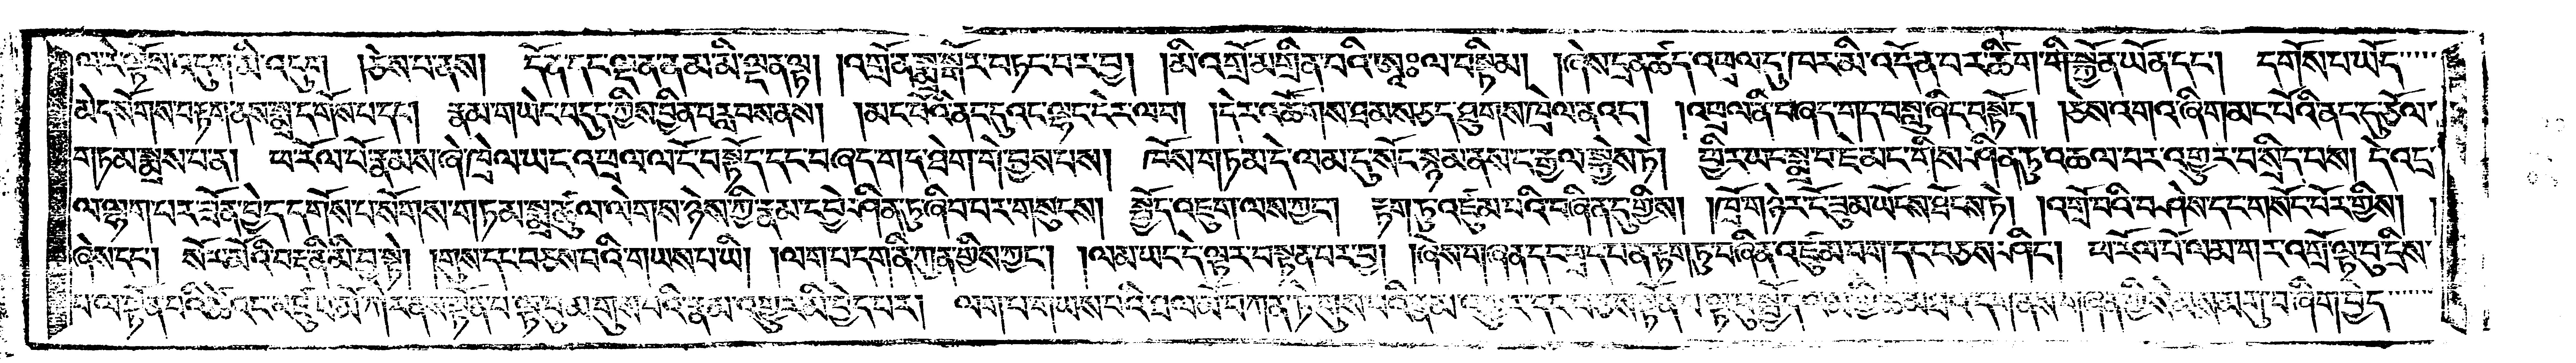ལ་རེ་ལྟོས་འདུག་མི་འདུག །ཅེས་པ་ནས། དོན་དང་ལྡན་ནམ་མི་ལྡན་ལྟ། །འགྲོན་སྨྲ་སྒོར་བཏང་བར་བྱ། །མི་འགྲོ་མགྲིན་བའི་ཨཱཿལ་བསྟིམ། །ཞེས་དྲན་ཚད་འཕྲལ་དུ་ཁར་མི་འདོན་པར་ཚིག་གི་སྐྱོན་ཡོན་དང་། དགོས་པ་ཡོད་
མེད་སོགས་བརྟག་ནས་སྨྲ་དགོས་པ་དང་། རྣམ་གཡེང་བདུད་ཀྱིས་བྱིན་བརླབས་ནས། །མང་པོའི་ནང་དུའང་ལྷང་ངེར་ལབ། །དེར་འཚོགས་ཐམས་ཅད་ཐུགས་ཁྲེལ་ནའང་། །འབྲལ་ནི་བཞད་གད་བསླུ་ཞིང་བསྟོད། །ཅེས་འགའ་ཞིག་མང་པོའི་ནང་དུ་ཅོལ་
གཏམ་སྨྲས་པ་ན། ཕ་རོལ་པོ་རྣམས་ཞེ་ཁྲེལ་ཡང་འཕྲལ་ལ་ངོ་བསྟོད་དང་བཞད་གད་ཐེག་གེ་བྱས་པས། ཁོས་གཏམ་དེ་ལམ་དུ་སོང་སྙམ་ནས་ང་རྒྱལ་སྐྱེས་ཏེ། ཕྱིར་ཡང་སྨྲ་བ་ཇེ་མང་གིས་ཤིན་ཏུ་འཆལ་བར་འགྱུར་བ་སྲིད་པས། དེ་འདྲ་
ལ་ལྷག་པར་ཟོན་བྱེད་དགོས་པ་སོགས་གཏམ་སྨྲ་ཚུལ་ལེགས་ཉེས་ཀྱི་རྣམ་དབྱེ་ཤིན་ཏུ་ཞིབ་པར་གསུངས། སྤྱོད་འཇུག་ལས་ཀྱང་། རྟག་ཏུ་འཛུམ་པའི་བཞིན་དུ་གྱིས། །ཁྲོ་གཉེར་ངོ་ཟུམ་ཡོངས་ཐོངས་ཏེ། །འགྲོ་བའི་བཤེས་དང་གསོང་བོར་གྱིས། །
ཞེས་དང་། སོར་མོའི་བརྡ་ནི་མི་བྱ་སྟེ། །གུས་དང་བཅས་པའི་གཡས་པ་ཡི། །ལག་པ་དག་ནི་ཀུན་གྱིས་ཀྱང་། །ལམ་ཡང་དེ་ལྟར་བསྟན་པར་བྱ། །ཞེས་གཞན་དང་ཕྲད་པ་ན་རྟག་ཏུ་བཞིན་འཛུམ་བག་དང་བཅས་ཤིང་། ཕ་རོལ་པོ་ལམ་གར་འགྲོ་ལྟ་བུ་དྲིས་
པ་ལ་སྟོན་བའི་ཚེའང་མཛུབ་མོ་ཀེང་ནས་སྟོན་པ་ལྟ་བུ་མ་གུས་པའི་རྣམ་འགྱུར་མི་བྱེད་པར། ལག་པ་གཡས་བའི་ཐལ་མོ་བཀན་ཏེ་གུས་པའི་རྣམ་འགྱུར་དང་བཅས་སྟོན་པ་ལྟ་བུ་སྤྱོད་ལམ་གྱི་ཆ་མཐའ་དག་ནས་གཞན་གྱི་སེམས་མགུ་བ་ཞིག་བྱེད་